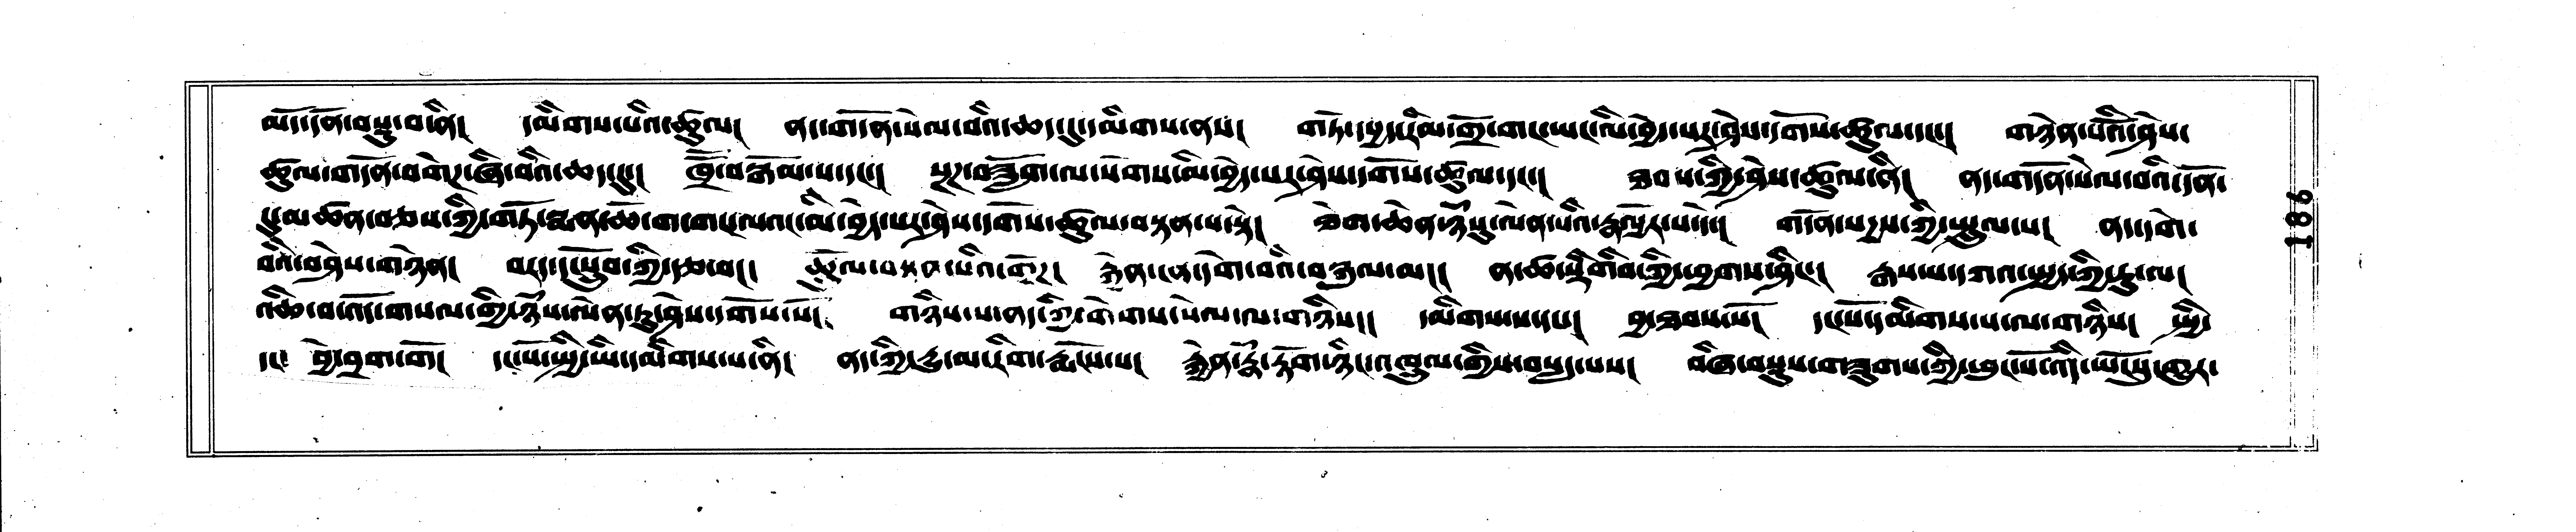མདོ་དོན་བསྡུ་བ་ནི། དམིགས་པའི་ཚུལ། ནད་གདོན་སེལ་བའི་ཆེད་དུ་དམིགས་ནས། གཏོ་དཔྱད་རིམ་གྲོ་གང་ཡང་མི་བྱེད་པར་ཤེས་དགོས་ཚུལ་དང་། གཉེན་པོའི་ཤེས་
ཚུལ་གདོན་བགེགས་ཞི་བའི་ཆེད་དུ། ཁྲོ་བོ་བསྒོམ་པ་དང་། སྔགས་བཟློག་ལ་སོགས་མི་བྱེད་པར་ཤེས་དགོས་ཚུལ་དང་། ཐབས་ཀྱི་ཤེས་ཚུལ་ནི། ནད་གདོན་སེལ་བའི་དོན་
དུ་མཚན་བཅས་ཀྱི་གཏོ་སྨན་ཆོ་ག་གང་ལ་ཡང་མི་བྱེད་པར་ཤེས་དགོས་ཚུལ་བསྟན་པ་སྟེ། ཐེག་ཆེན་ཉམས་སུ་ལེན་པའི་རྣལ་འབྱོར་པ་དེ། གདོན་སངས་རྒྱས་ཀྱི་སྤྲུལ་པ། ནད་དགེ་
བའི་བཤེས་གཉེན། བར་ཆད་དངོས་གྲུབ་ཀྱི་རྩ་བ། ཆོ་འཕྲུལ་བསྟན་པའི་གྲོགས། རྐྱེན་ངན་དགེ་བའི་བསྐུལ་མ། ན་ཚ་སྡིག་སྒྲིབ་ཀྱིས་ཕྱགས་ཤིང་། རྒས་པ་བཀའ་སྤྱད་ཀྱི་རུ་མ། 
འཆི་བ་འོད་གསལ་གྱི་ཉམས་ལེན་དུ་ཤེས་དགོས་སོ། །གཉིས་པ་ནད་ཀྱི་གེགས་སེལ་ལ་གཉིས། དམིགས་པ་དང་བྱ་ཐབས་སོ། །དང་པོ་དམིགས་པ་ལ་གཉིས། སྤྱི་
དང་ བྱེ་བྲག་གོ དང་པོ་སྤྱི་ཡི་དམིགས་པ་ནི། ནད་ཀྱི་རྒྱུ་མ་རིག་རྨོངས་པ། རྐྱེན་རྣམ་རྟོག་ཉིང་འཁྲུལ་གྱིས་བསླད་པས། བཞི་བསྡུས་གཟུགས་ཀྱི་ཕུང་པོ་འདི་ཡོངས་སུ་གྱུར་